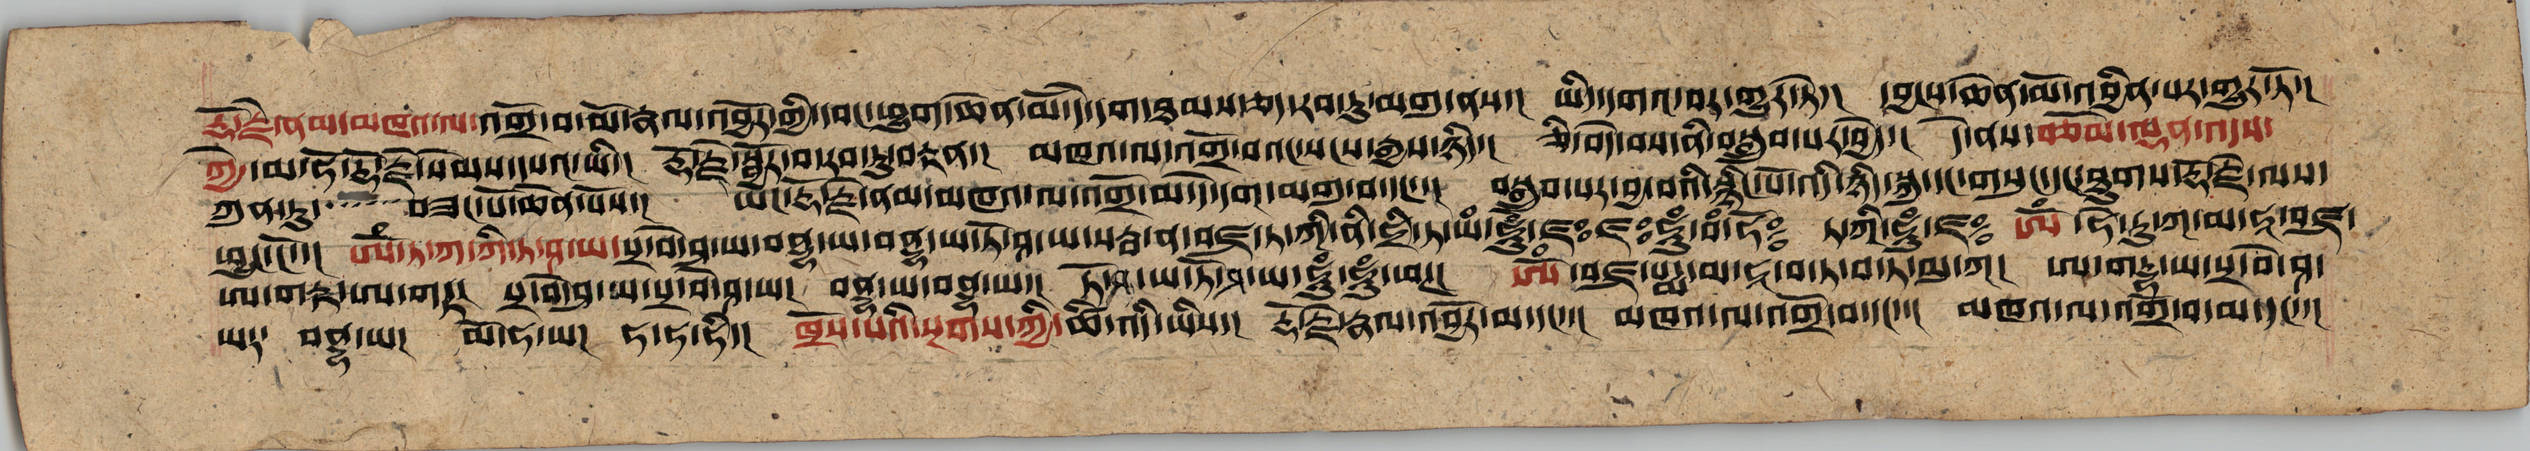རྡོ་རྗེ་ནམ་མཁའ་ལ་འགྲོ་བ་མོ་རྣལ་འབྱོར་གྱི་དབང་ཕྱུག་ཆེན་མོ་དེ་དག་ཐམས་ཅད་རབ་ཏུ་མགུ་ནས་། ཡིད་དགའ་བར་གྱུར་ཏེ་། དབྱངས་ཆེན་མོ་འབྱིན་པར་གྱུར་ཏོ་།
ཀྱེ་མ་ཧོ་རྡོ་རྗེ་སེམས་དཔའ་ཡི་། རྡོ་རྗེ་སྦྱོར་བ་རབ་ཏུ་བརྟན་། མཁའ་ལ་འགྲོ་བའང་སངས་རྒྱས་ཉིད་། ཅི་བདེ་བས་ནི་བསྒྲུབ་པར་བྱེད་། དེ་ནས་བཅོམ་ལྡན་འདས་
ཀུན་ཏུ་་་་་་བཟང་པོ་ཆེན་པོས་། ཡང་རྡོ་རྗེ་ནམ་མཁའ་ལ་འགྲོ་མ་དེ་དག་མགུ་བ་དང་་། བསྒྲུབ་པར་བྱ་བའི་སྙིང་པོ་འདོ་ཉིད་སྐུ་དང་གསུང་དང་ཐུགས་རྡོ་རྗེ་ལས་
ཕྱུང་ངོ་་། ཨོཾ་ཏ་ཀ་ཀི་ཏ་ཤ་ཡ་པྲ་བེ་ཤ་ཡ་བནྡྷ་ཡ་བནྡྷ་ཡ་ཏོ་ཤ་ཡ་སརྦ་ན་བཛྲ་ཏ་ཀི་ནི་ཧྲི་ཏ་ཡཾ་ཧཱུཾ་ཛཿཛཿཧཱུཾ་བཾ་ཧོ༔ ཏ་ཀི་ཧཱུཾ་ཛ༔ ཨོཾ་ཧེ་རུ་ཀ་མ་ཧཱ་བཛྲ
ཨ་གརྟ་ཨ་གརྟ། པྲ་བེ་ཤ་ཡ་པྲ་བེ་ཤ་ཡ། བནྡྷ་ཡ་བནྡྷ་ཡ་། ཏོ་ཤ་་ཡ་ཏོ་ཤ་ཡ་ཧཱུཾ་ཧཱུཾ་ཕཊ། ཨོཾ་བཛྲ་པདྨ་མ་ཧཱ་བ་ཏ་བ་ཏོ་མུ་ཀ། ཨ་གརྡྷ་ཡ་པྲ་བེ་ཤ་
ཡ༑ བནྡྷ་ཡ། མོ་ཧ་ཡ། ཧ་ཧ་ཧི་། ཁྲོས་པའི་སྔགས་ཀྱི་ཚེ་འདི་ཡིས་། རྡོ་རྗེ་རྣལ་འབྱོར་མ་དང་་། མཁའ་ལ་འགྲོ་བ་དང་་། མཁའ་ལ་འགྲོ་བ་མ་དང་།